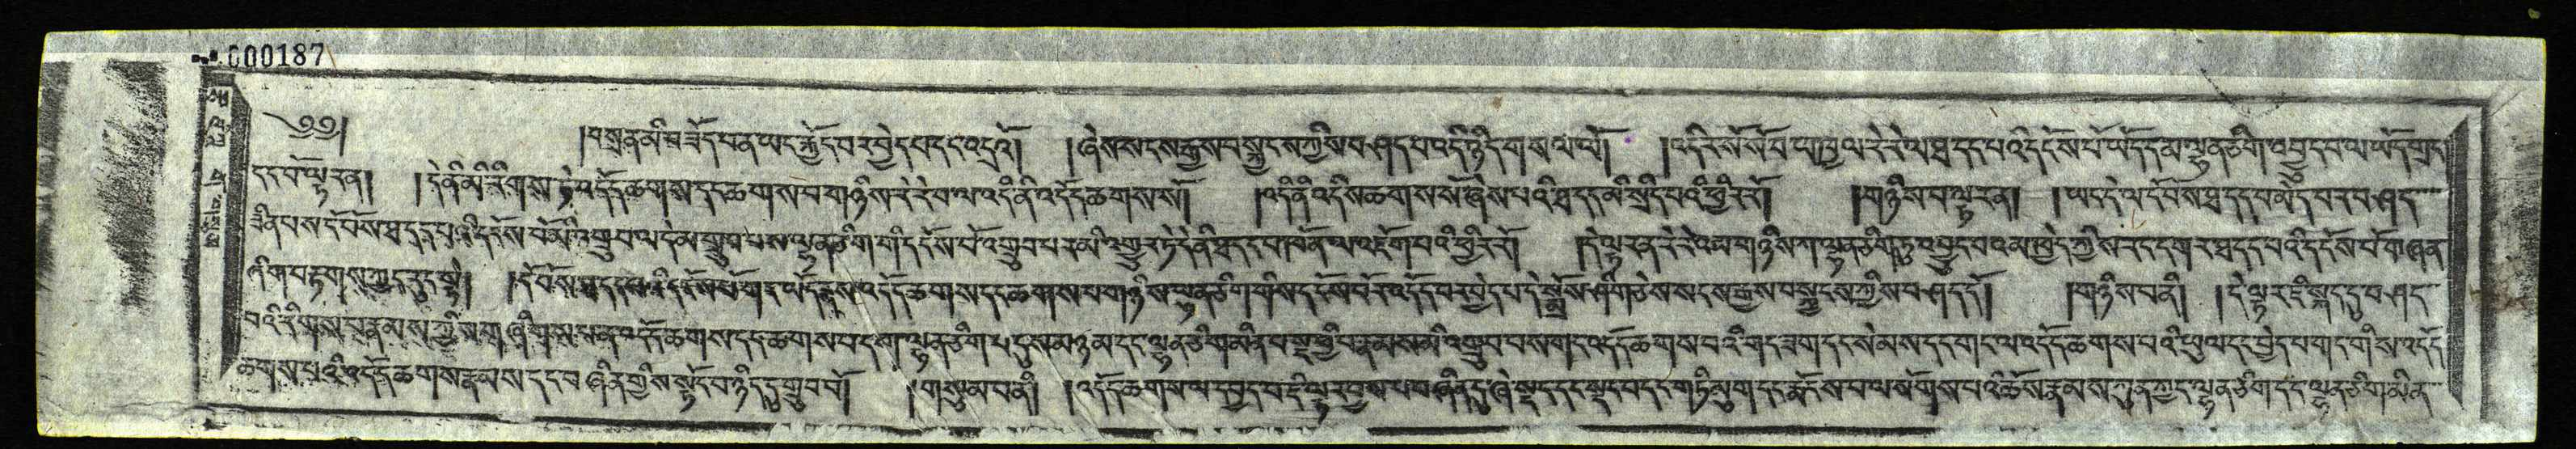༄༅། །བསྲན་མི་བཟོད་པ་ན་ཡང་རྐྱོད་པར་བྱེད་པ་དང་འདྲའོ། །ཞེས་སངས་རྒྱས་བསྐྱངས་ཀྱིས་བཤད་པ་འདི་ཉིད་གསལ་ལོ། །འདིར་སོ་སོ་བ་ཡ་ཁྱལ་རེ་རེ་ལ་ཐ་དད་པའི་དངོས་པོ་ཡོད་དམ་ལྷན་ཅིག་འབྱུང་བ་ལ་ཡོད་གྲང་
དང་པོ་ལྟར་ན། །དེ་ནི་མི་རིགས་ཏེ་འདོད་ཆགས་དང་ཆགས་པ་གཉིས་རེ་རེ་བ་ལ་འདི་ནི་འདོད་ཆགས་སོ། །འདི་ནི་འདིས་ཆགས་སོ་ཞེས་པའི་ཐ་དད་མི་སྲིད་པའི་ཕྱིར་རོ། །གཉིས་པ་ལྟར་ན། །ཡང་དེ་ལ་ངོ་བོས་ཐ་དད་པ་མེད་པར་བཤད་
ཟིན་པས་ངོ་བོས་ཐ་དད་པའི་དངོས་པོ་མི་འགྲུབ་ལ་དེ་མ་གྲུབ་པས་ལྷན་ཅིག་གི་དངོས་པོ་འགྲུབ་པར་མི་འགྱུར་ཏེ་དེ་ནི་ཐ་དད་པ་ཁོ་ན་ལ་འཇོག་པའི་ཕྱིར་རོ། །དེ་ལྟར་ན་རེ་རེའམ་གཉིས་ཀ་ལྷན་ཅིག་ཏུ་འབྱུང་བའམ་ཁྱེད་ཀྱིས་རང་དགར་ཐ་དད་པའི་དངོས་པོ་གཞན་
ཞིག་བརྟགས་ཀྱང་རུང་སྟེ། །ངོ་བོས་ཐ་དད་པའི་དངོས་པོ་གང་ཡོད་ནས་འདོད་ཆགས་དང་ཆགས་པ་གཉིས་ལྷན་ཅིག་གིས་དངོས་པོར་འདོད་པར་བྱེད་པ་དེ་སྨྲོས་ཤིག་ཅེས་སངས་རྒྱས་བསྐྱངས་ཀྱིས་བཤད་དོ། །གཉིས་པ་ནི། །དེ་ལྟར་ཇི་སྐད་དུ་བཤད་
པའི་རིགས་པ་རྣམས་ཀྱིས་གཞིགས་པ་ན་འདོད་ཆགས་དང་ཆགས་པ་དག་ལྷན་ཅིག་པ་དུས་མཉམ་དང་ལྷན་ཅིག་མིན་པ་སྔ་ཕྱི་བ་རྣམས་མི་འགྲུབ་པས་གང་འདོད་ཆགས་པའི་གང་ཟག་དང་སེམས་དང་གང་ལ་འདོད་ཆགས་པའི་ཡུལ་དང་བྱེད་པ་གང་གིས་འདོད་
ཆགས་པའི་འདོད་ཆགས་རྣམས་དང་བཞིན་གྱིས་སྟོང་པ་ཉིད་དུ་གྲུབ་པོ། །གསུམ་པ་ནི། །འདོད་ཆགས་ལ་དཔྱད་པ་ཇི་ལྟར་བྱས་པ་བཞིན་དུ་ཞེ་སྡང་དང་སྡང་བ་དང་གཏི་མུག་དང་རྨོངས་པ་ལ་སོགས་པའི་ཆོས་རྣམས་ཀུན་ཀྱང་ལྷན་ཅིག་དང་ལྷན་ཅིག་མིན་